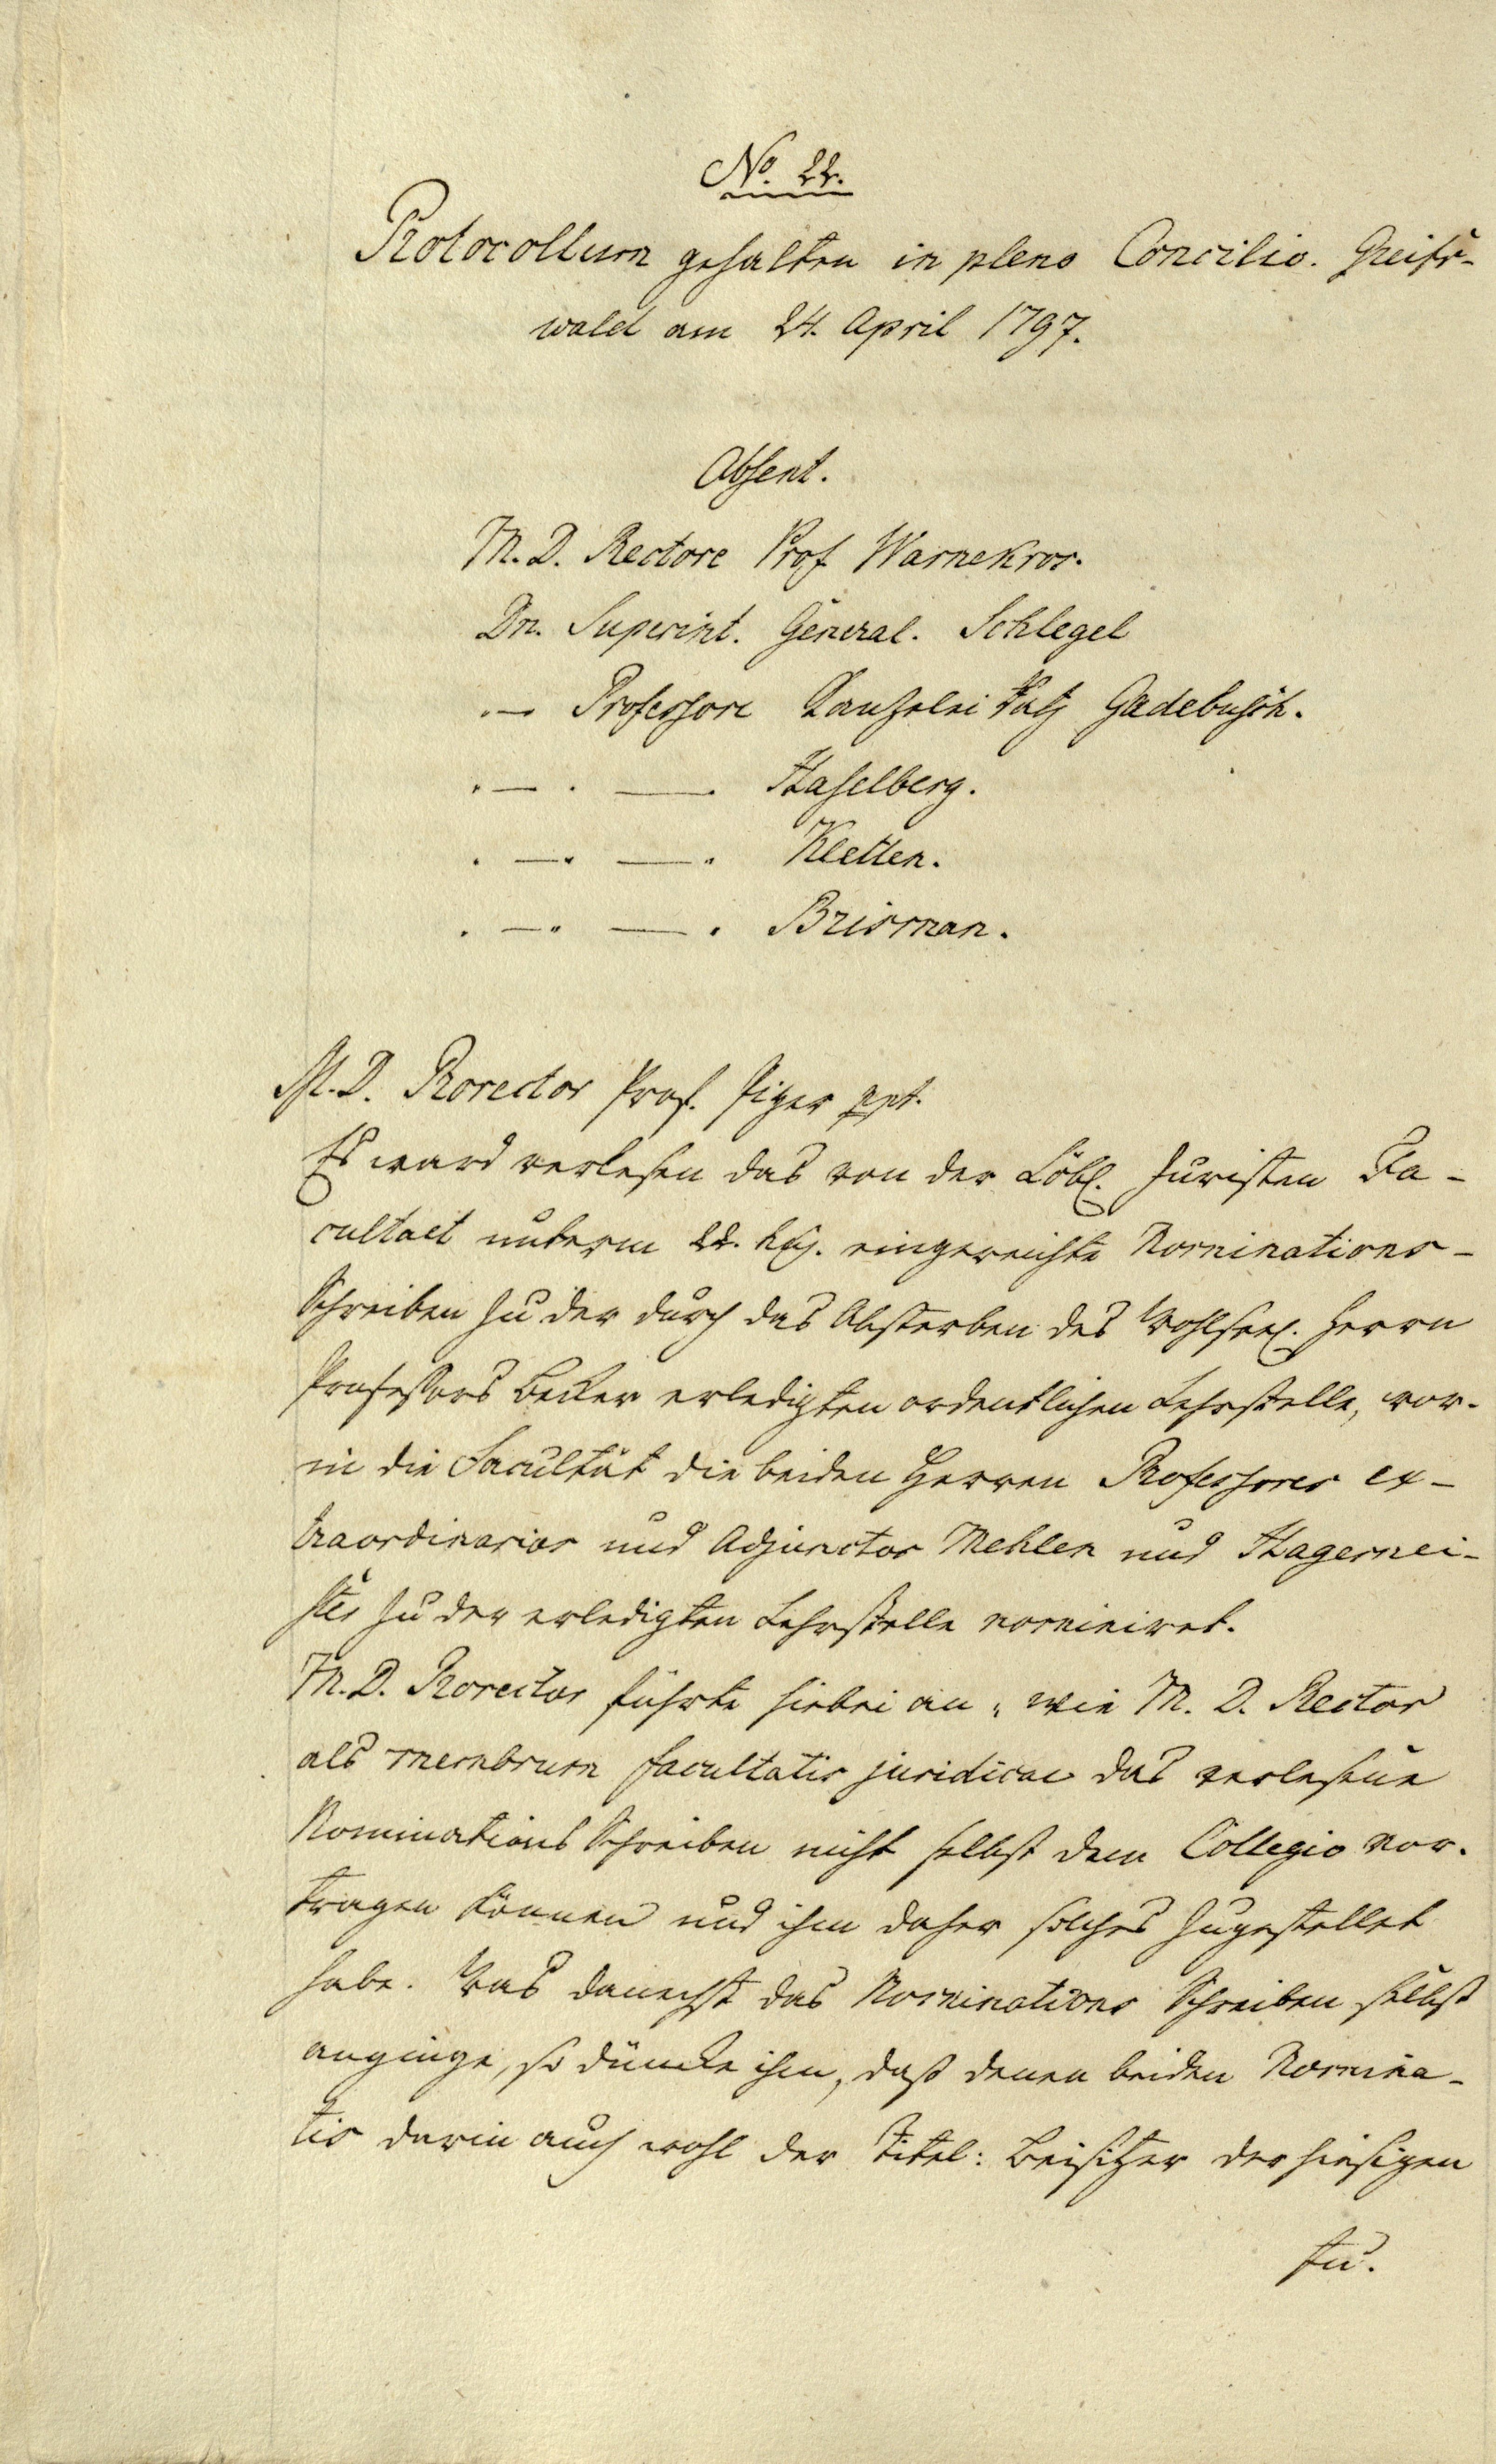N 22.
Protocollum gehalten in pleno Concilio Greifs¬
wald am 24. April 1797.
Absent.
M. D. Rectore Prof. Warnekros.
Dn. Superint. General. Schlegel
Professore Kanzelei Rath Gadebusch.
Haselberg.
Kletten.
Brisman.
M. D. Prorector Prof. Piper ppt.
Es ward verlesen das von der Löbl. Juristen Fa¬
cultaet unterm 22. huj. eingereichte Nominations
Schreiben zu der durch das Absterben des Wohlseel. Herrn
Professors Becker erledigten ordentlichen Lehrstelle, wor¬
in die Facultät die beiden Herren Professores ex¬
traordinarios und Adjunctos Mehlen und Hagemei¬
ster zu der erledigten Lehrstelle nominiret.
M. D. Prorector führte hiebei an: wie M. D. Rector
als membrum Facultatis juridicae das verlesene
Nominations Schreiben nicht selbst dem Collegio vor¬
tragen können und ihm daher solches zugestellet
habe. Was danechst das Nominations Schreiben selbst
anginge, so düncke ihm, daß denen beiden Nomina¬
tis darin auch wohl der Titel: Beisitzer der hiesigen
Ju.